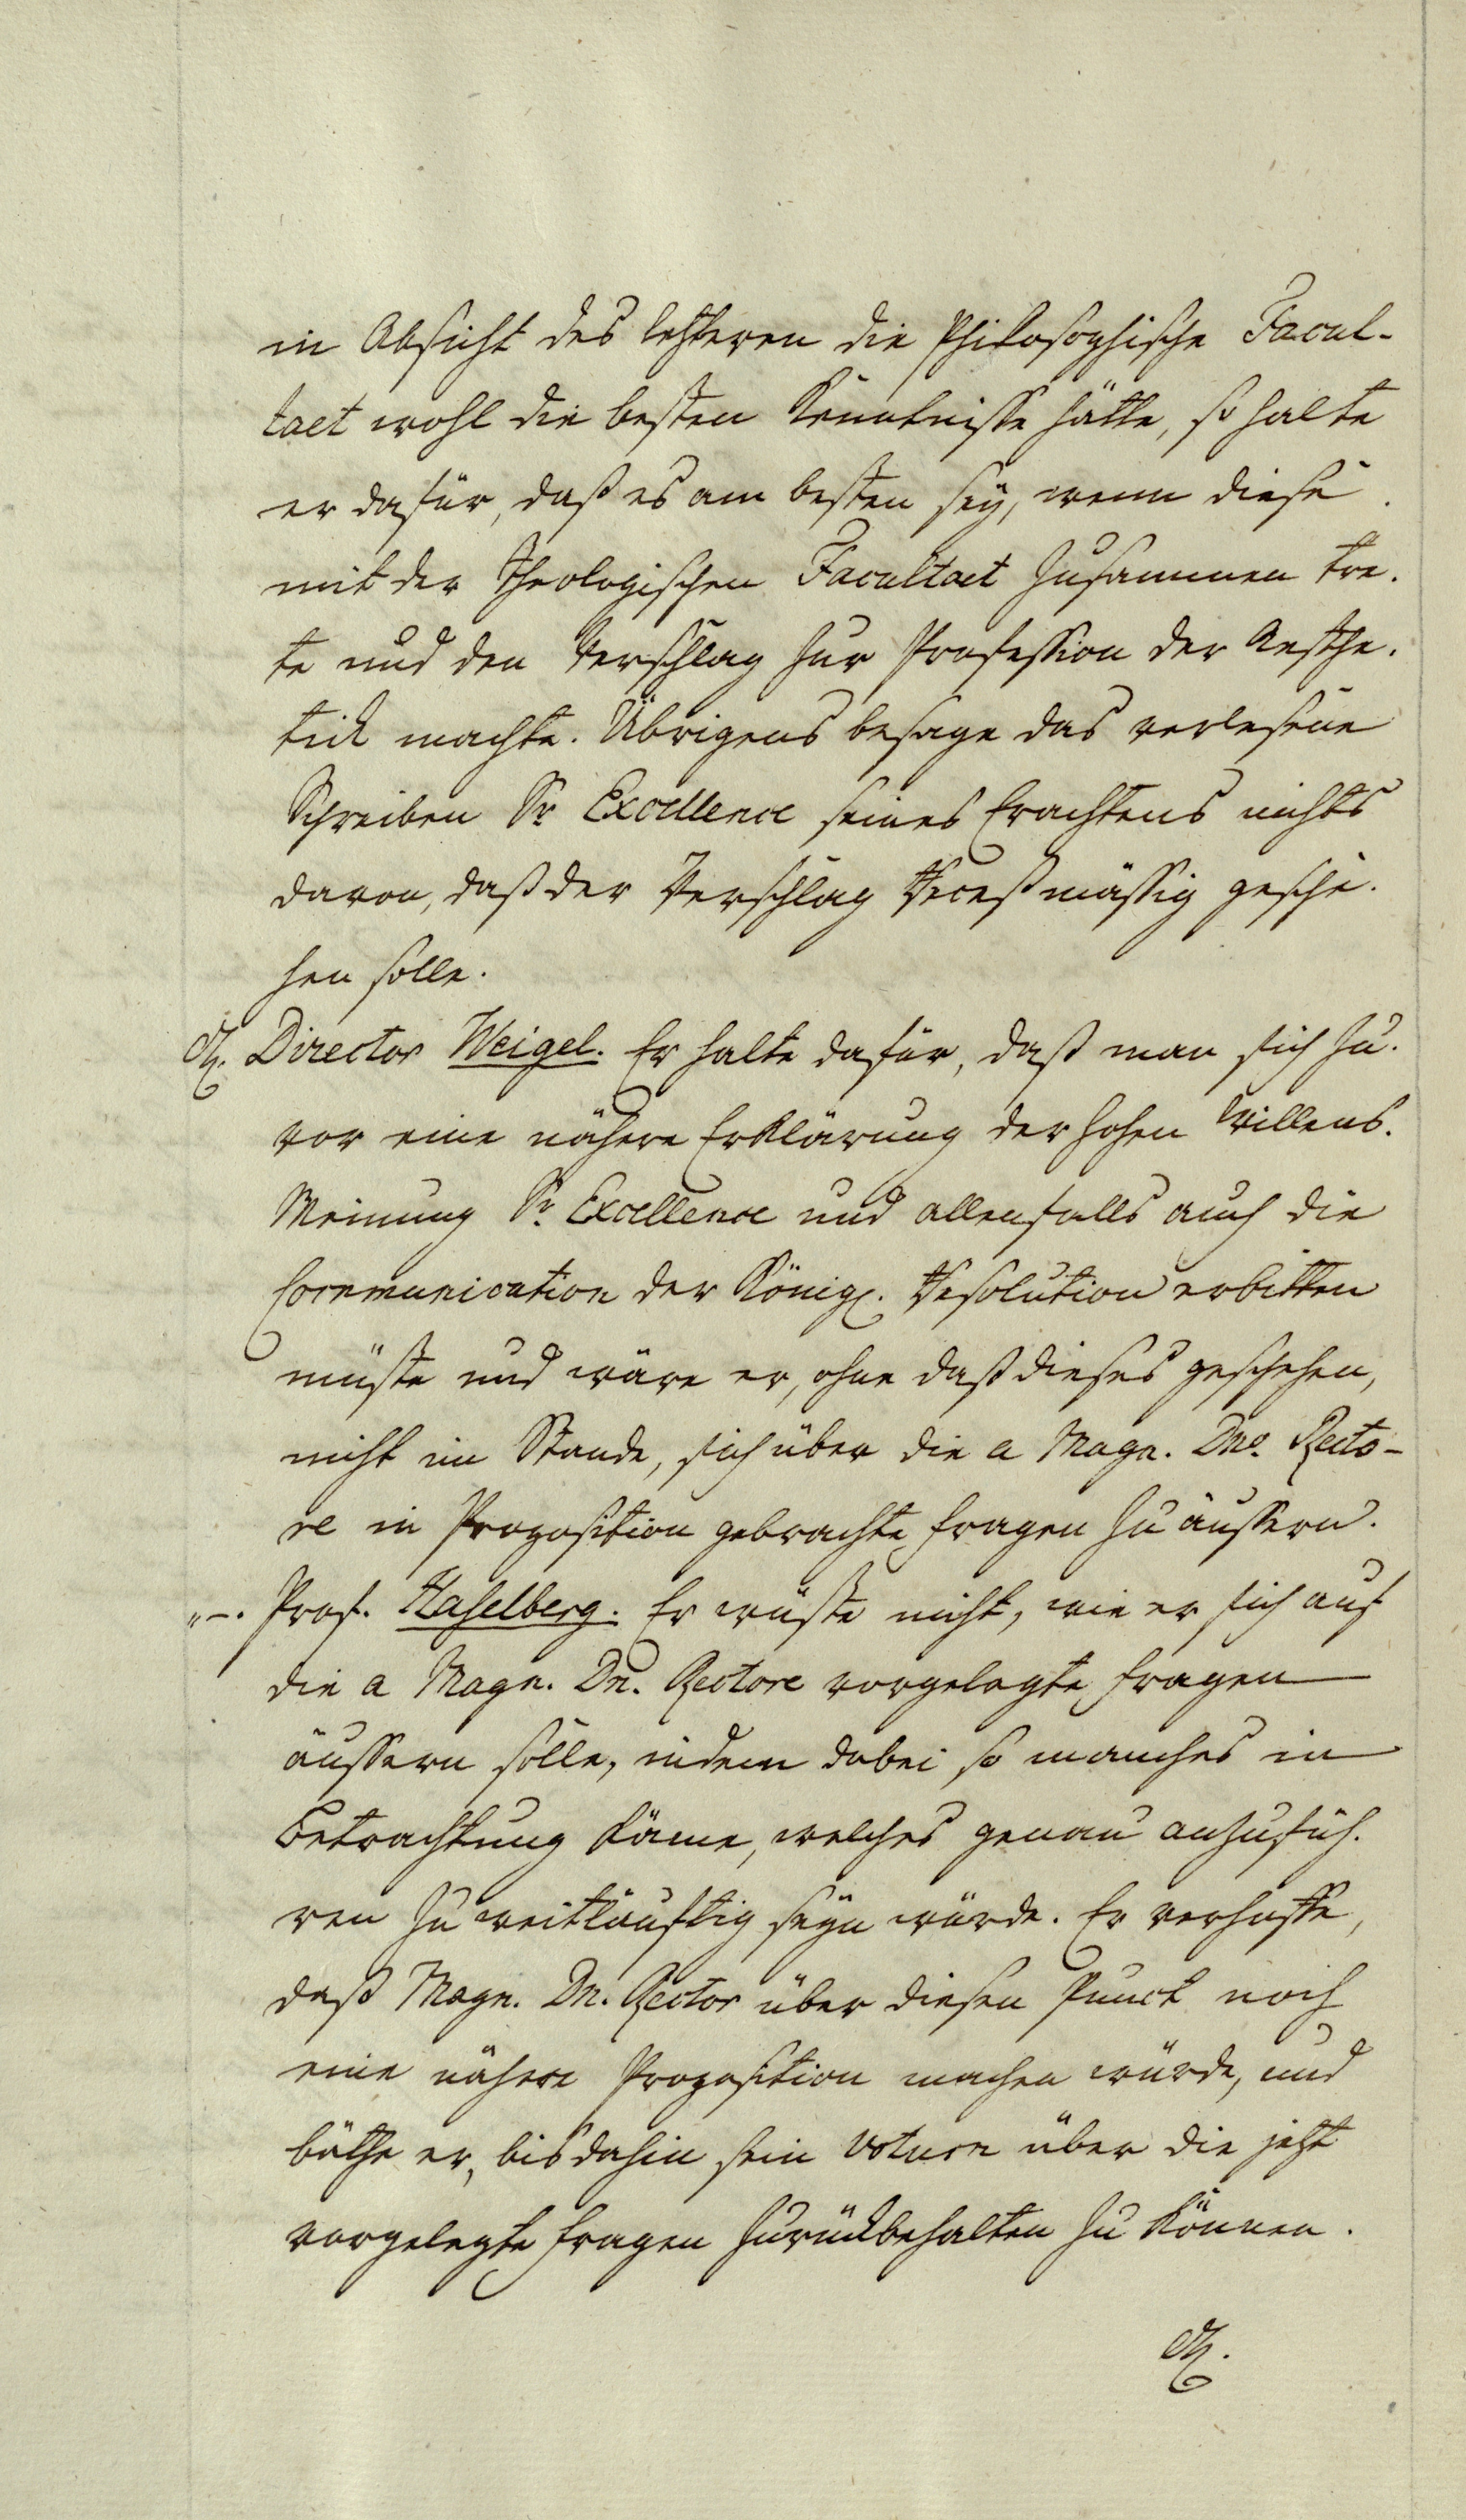in Absicht des letzteren die Philosophische Facul¬
taet wohl die besten Kenntnisse hätte, so halte
er dafür, daß es am besten seÿ, wenn diese
mit der Theologischen Facultaet zusammen tre¬
te und den Vorschlag zur Profession der Aesthe¬
tik machte. Übrigens besage das verlesene
Schreiben Sr. Excellence seines Erachtens nichts
davon, daß der Vorschlag Receß mässig gesche¬
hen solle.
dh. Director Weigel. Er halte dafür, daß man sich zu¬
vor eine nähere Erklärung der hohen Willens¬
Meinung Sr. Excellence und allenfalls auch die
Communication der Königl. Resolution erbitten
müsste und wäre er, ohne daß dieses geschehen,
nicht im Stande, sich über die a Magn. Dno. Recto¬
re in Proposition gebrachte Fragen zu äussern.
" — . Prof. Haselberg. Er wüsste nicht, wie er sich auf
die a Magn. Dno. Rectore vorgelegte Fragen
äussern solle, indem dabei so manches in
Betrachtung käme, welches genau anzufüh¬
ren zu weitläuflig seÿn würde. Er verhoffe,
daß Magn. Dn. Rector über diesen Punct noch
eine nähere Proposition machen würde, und
bäthe er, bis dahin sein votum über die jetzt
vorgelegte Fragen zurückbehalten zu können.
dh.